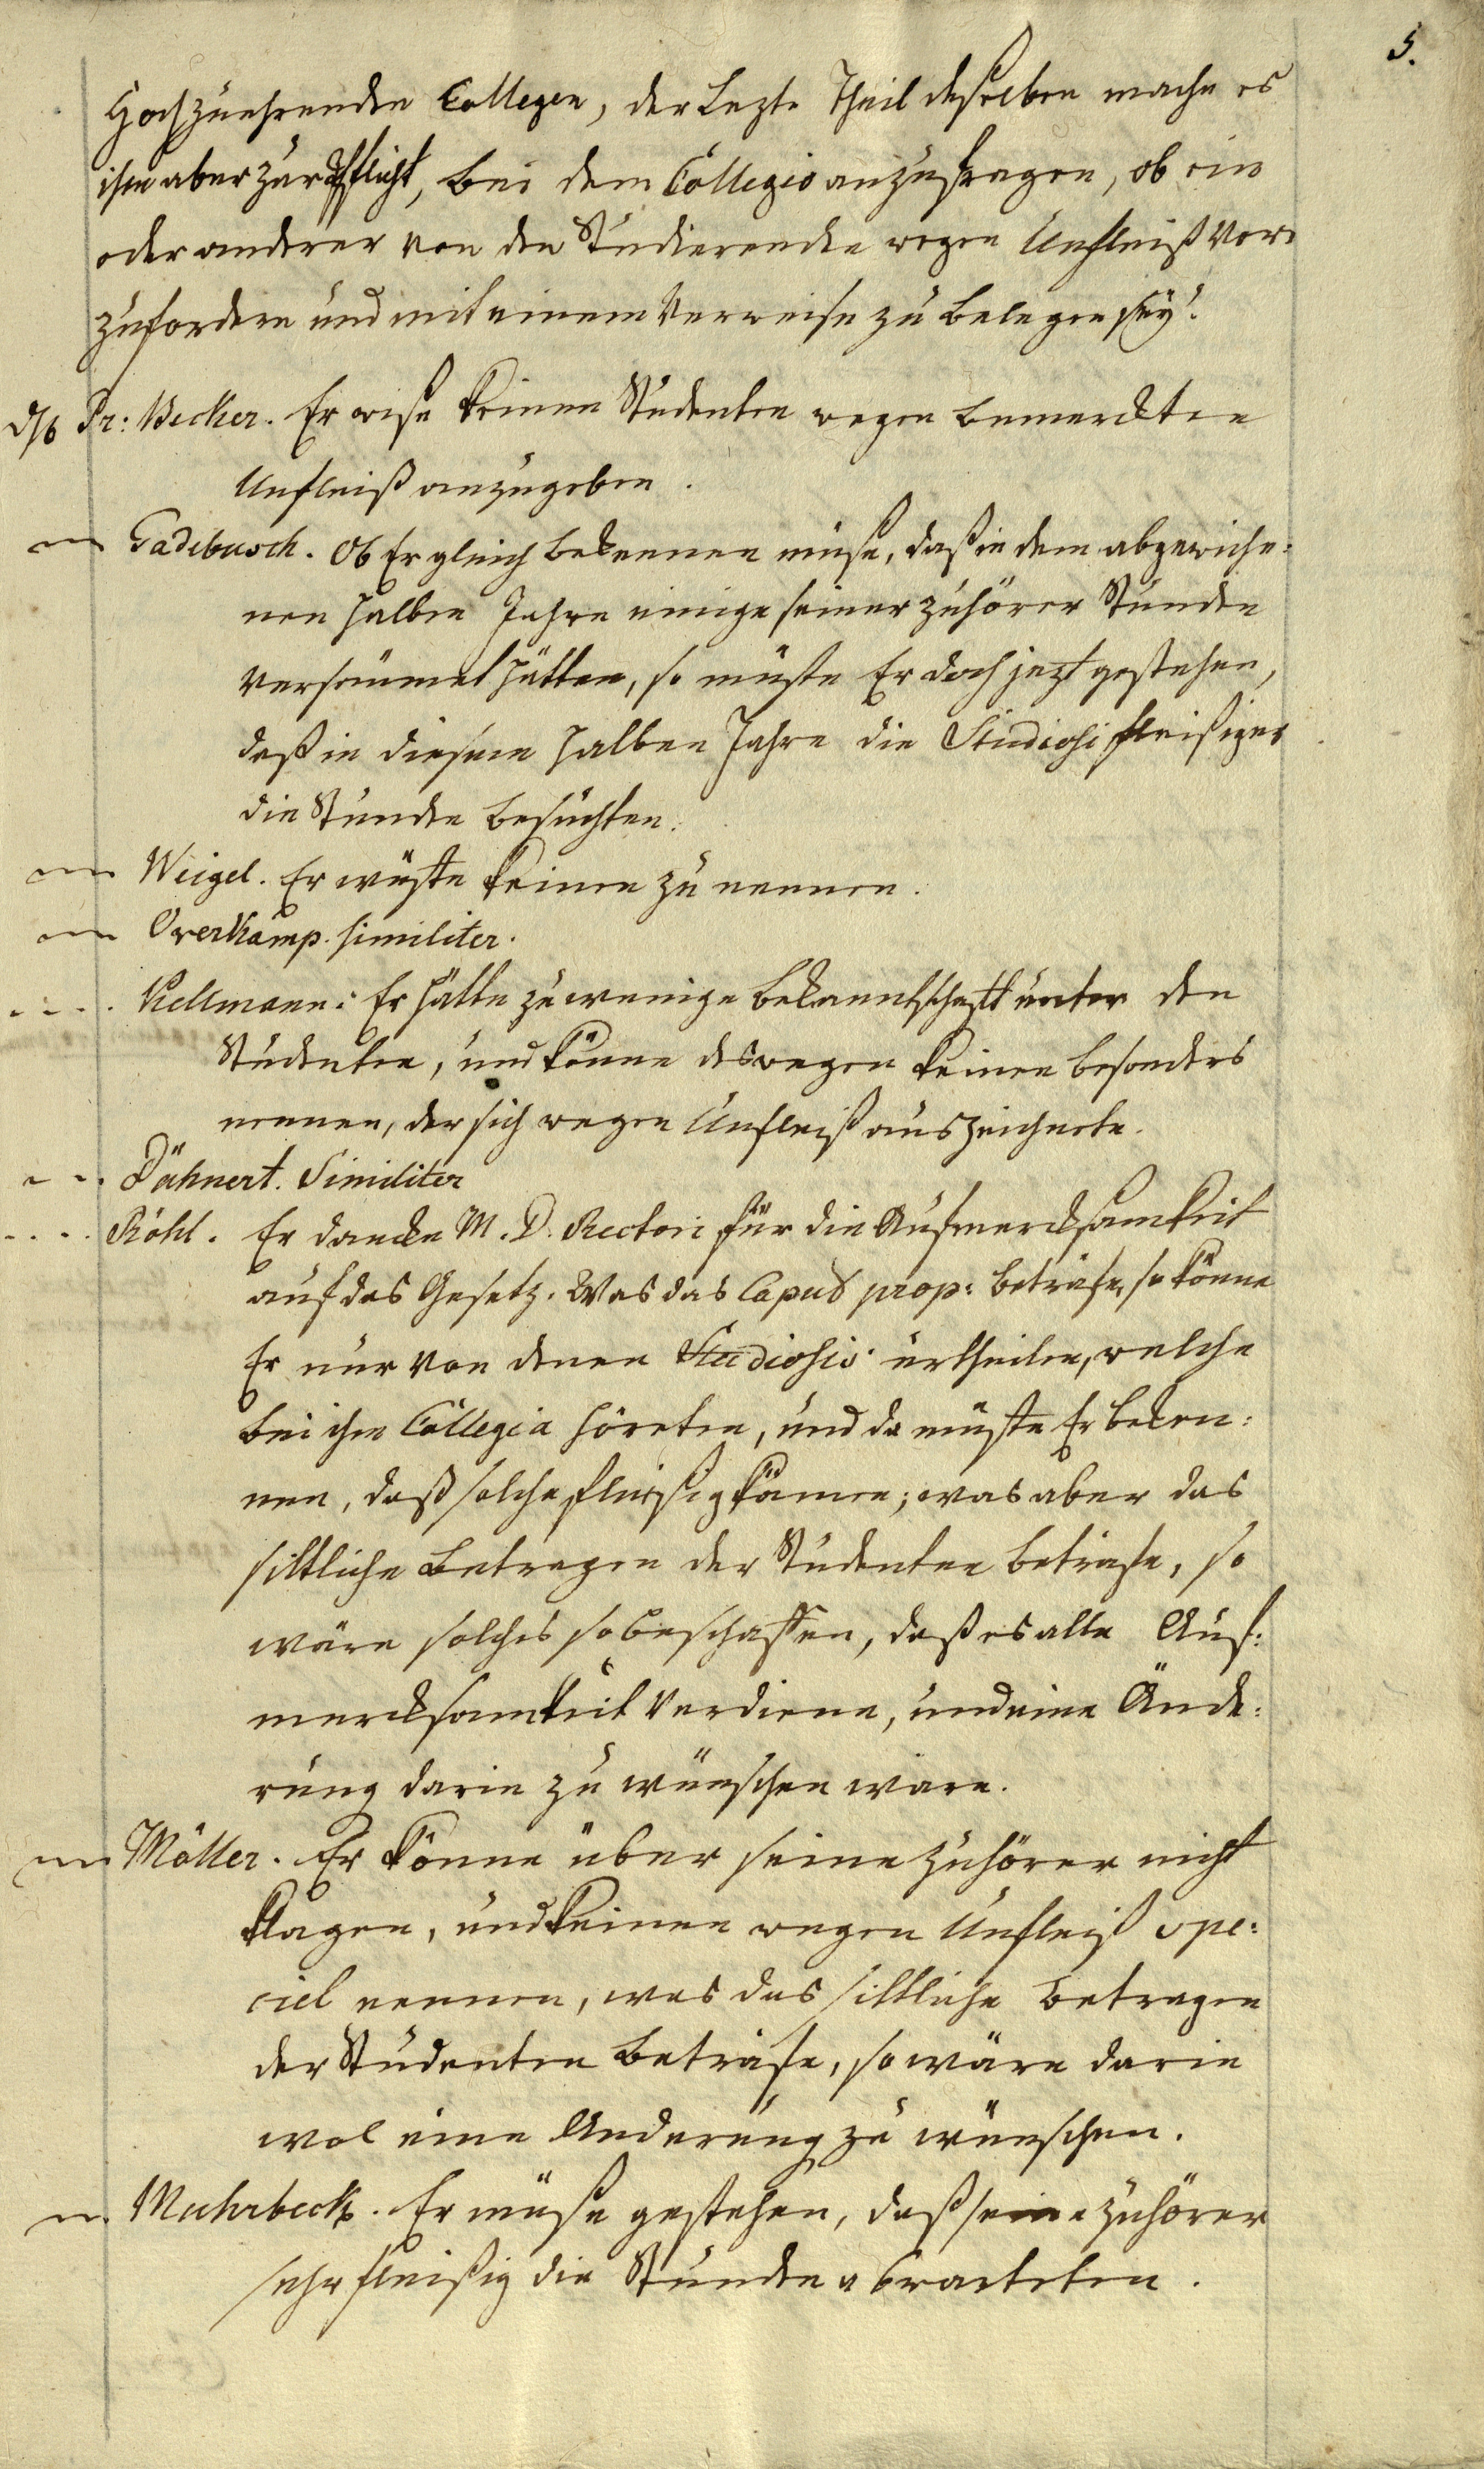Hochzuehrenden Collegen, der Lezte Theil deßelben mache es
ihm aber zur Pflicht, bei dem Collegio anzufragen, ob ein
oder anderer von den Studierenden wegen Unfleiß vor¬
zufordern und mit einem Verweise zu belegen seÿ!
dh Pr. Becker. Er wiße keinen Studenten wegen bemerckten
Unfleiß anzugeben.
Gadebusch. Ob Er gleich bekennen müße, daß in dem abgewiche¬
nen halben Jahre einige seiner Zuhörer Stunden
versäumet hätten, so müste Er doch jezt gestehen,
daß in diesem halben Jahre die Studiosi fleißiger
die Stunden besuchten.
Weigel. Er wüste keinen zu nennen.
Overkamp. similiter.
Kellmann. Er hätte zu wenige Bekanntschaft unter den
Studenten, und könne deswegen keinen besonders
nennen, der sich wegen Unfleiß auszeichnete.
Dähnert. Similiter
Röhl. Er dancke M.D. Rectori für die Aufmercksamkeit
auf das Gesetz. Was das Caput prop. beträfe, so könne
Er nur von denen Studiosis urtheilen, welche
bei ihm Collegia höreten, und da müste er beken¬
nen, daß solche fleißig kämen; was aber das
sittliche Betragen der Studenten beträfe, so
wäre solches so beschaffen, daß es alle Auf¬
mercksamkeit verdiene, und eine Ände¬
rung darin zu wünschen wäre.
Möller. Er könne über seine Zuhörer nicht
klagen, und keinen wegen Unfleiß spe¬
ciel nennen, was das sittliche Betragen
der Studenten beträfe, so wäre darin
wol eine Anderung zu wünschen.
Muhrbeck. Er müße gestehen, daß seine Zuhörer
sehr fleißig die Stunden a bwarteten.